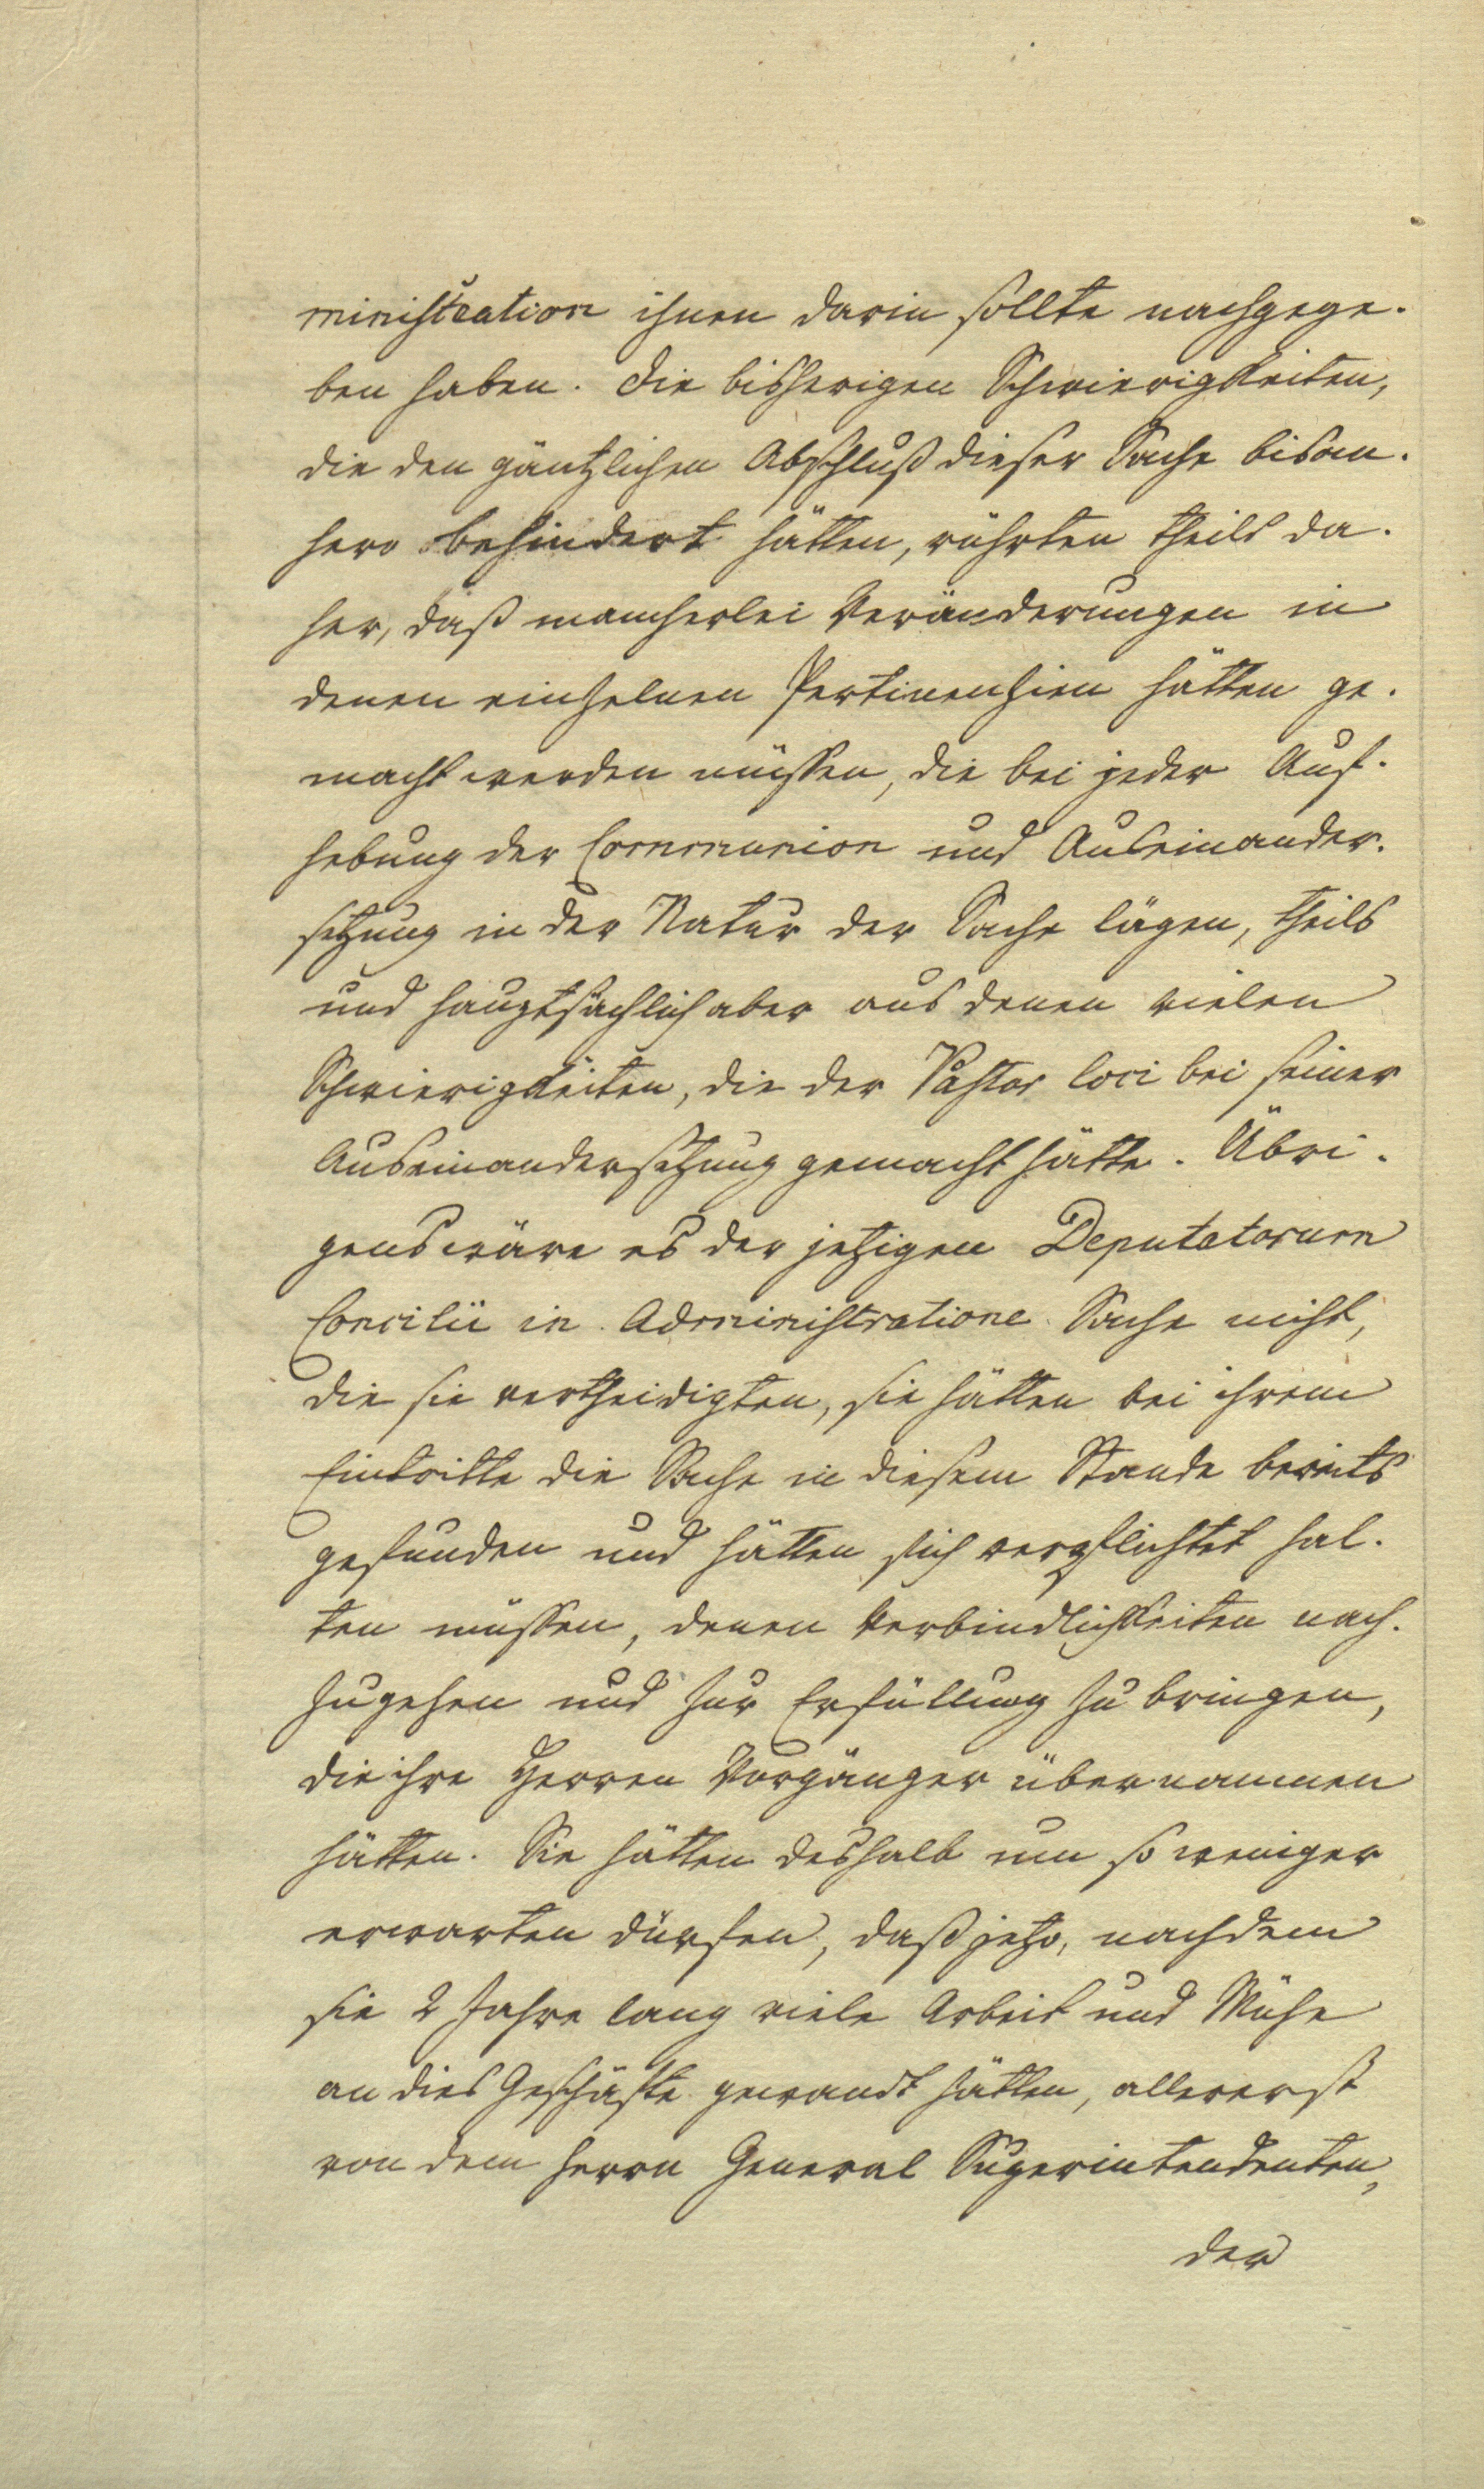ministration ihnen darin sollte nachgege¬
ben haben. Die bisherigen Schwierigkeiten,
die den gäntzlichen Abschluß dieser Sache bisan¬
hero behindert hätten, rührten theils da¬
her, daß mancherlei Veränderungen in
denen einzelnen Pertinenzien hätten ge¬
macht werden müssen, die bei jeder Auf¬
hebung der Communion und Auseinander¬
setzung in der Natur der Sache lägen, theils
und hauptsächlich aber aus denen vielen
Schwierigkeiten, die der Pastor loci bei seiner
Auseinandersetzung gemacht hätte. Übri¬
gens wäre es der jetzigen Deputatorum
Concilii in Administratione Sache nicht,
die sie vertheidigten, sie hätten bei ihrem
Eintritte die Sache in diesem Stande bereits
gefunden und hätten sich verpflichtet hal¬
ten müssen, denen Verbindlichkeiten nach¬
zugehen und zur Erfüllung zu bringen,
die ihre Herren Vorgänger übernommen
hätten. Sie hätten deshalb um so weniger
erwarten dürfen, daß jetzo, nachdem
sie 2 Jahre lang viele Arbeit und Mühe
an dies Geschäfte gewandt hätten, allererst
von dem Herrn General Superintendenten,
der